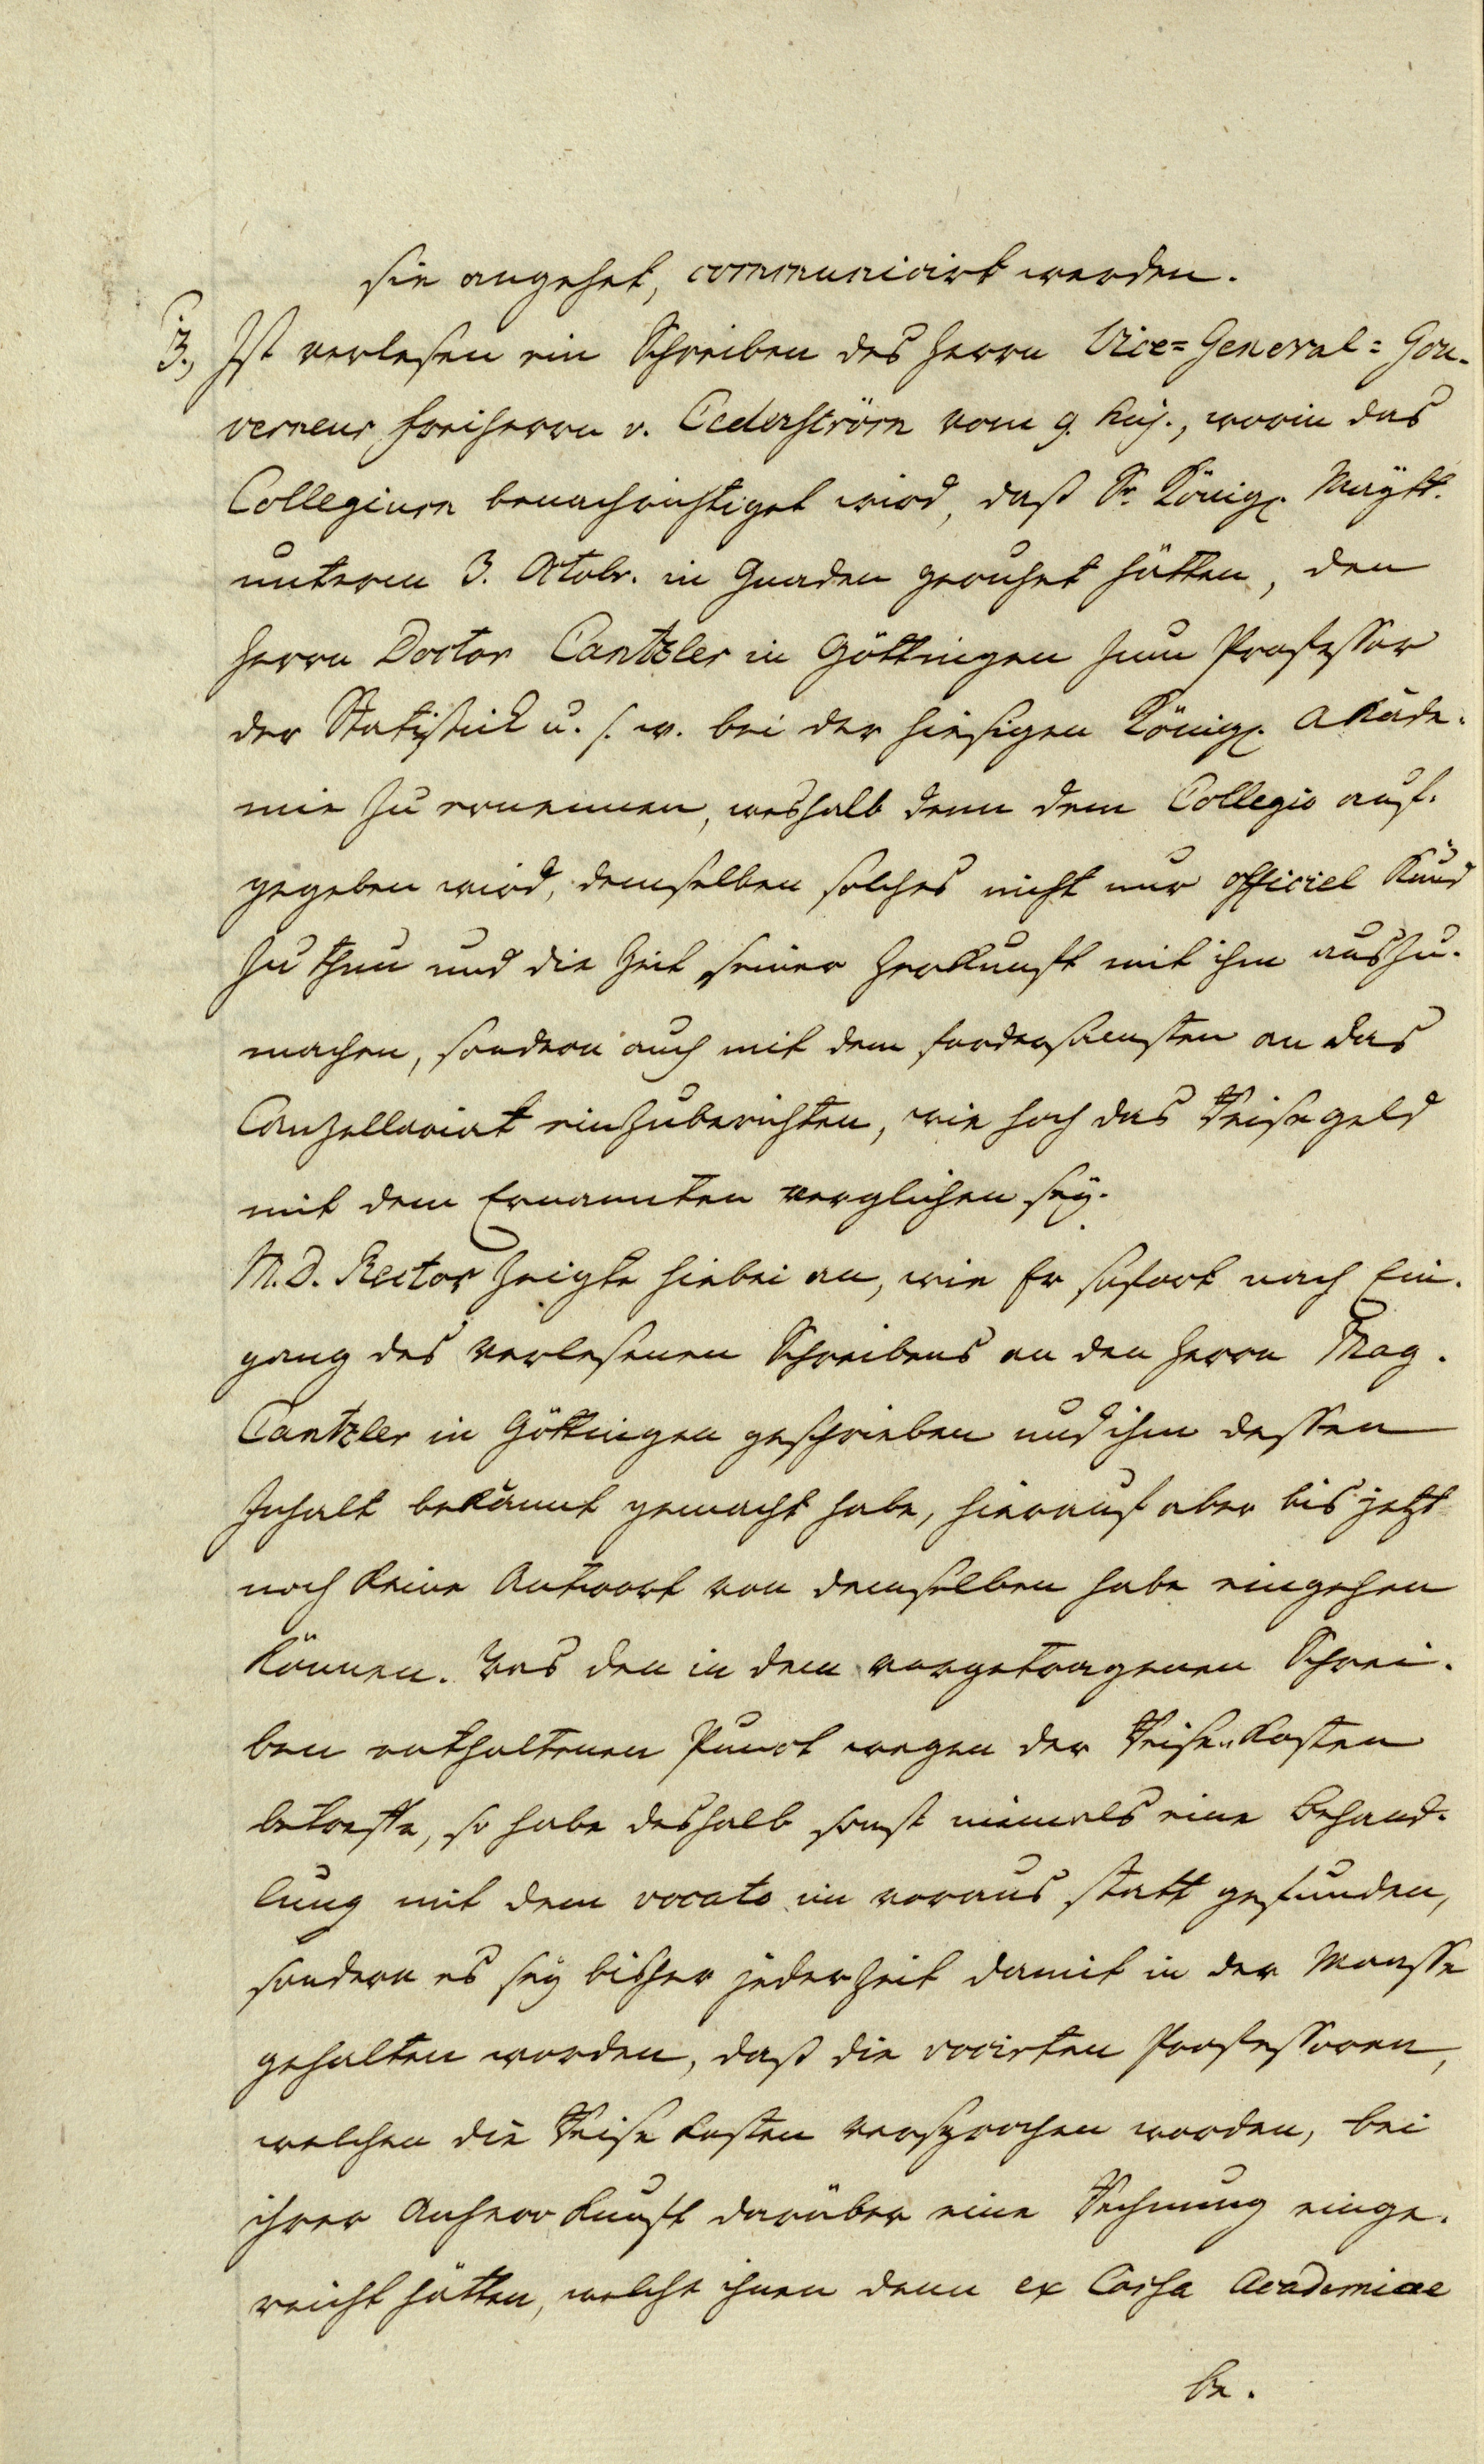sie angehet, communicirt werden.
3., Ist verlesen ein Schreiben des Herrn Vice- General- Gou¬
verneurs Freiherrn v. Cederström vom 9. huj., worin das
Collegium benachrichtiget wird, daß Sr. Königl. Maÿtt.
unterm 3. Octobr. in Gnaden geruhet hätten, den
Herrn Doctor Cantzler in Göttingen zum Professor
der Statistick u. s. w. bei der hiesigen Königl. Akade¬
mie zu ernennen, weshalb denn dem Collegio auf¬
gegeben wird, demselben solches nicht nur officiel Kund
zu thun und die Zeit seiner Herkunft mit ihm auszu¬
machen, sondern auch mit dem fordersamsten an das
Canzellariat einzuberichten, wie hoch das Reisegeld
mit dem Ernannten verglichen seÿ.
M. D. Rector zeigte hiebei an, wie Er sofort nach Ein¬
gang des verlesenen Schreibens an den Herrn Mag.
Cantzler in Göttingen geschrieben und ihm dessen
Inhalt bekannt gemacht habe, hierauf aber bis jetzt
noch keine Antwort von demselben habe eingehen
können. Was den in dem vorgetragenen Schrei¬
ben enthaltenen Punct wegen der Reisekosten
betreffe, so habe deshalb sonst niemals eine Behand¬
lung mit dem vocato im voraus statt gefunden,
sondern es seÿ bisher jederzeit damit in der Maasse
gehalten worden, daß die vocirten Professoren,
welchen die Reisekosten versprochen worden, bei
ihrer Anhero kunft darüber eine Rechnung einge¬
reicht hätten, welche ihnen denn ex Cassa Academiae
be